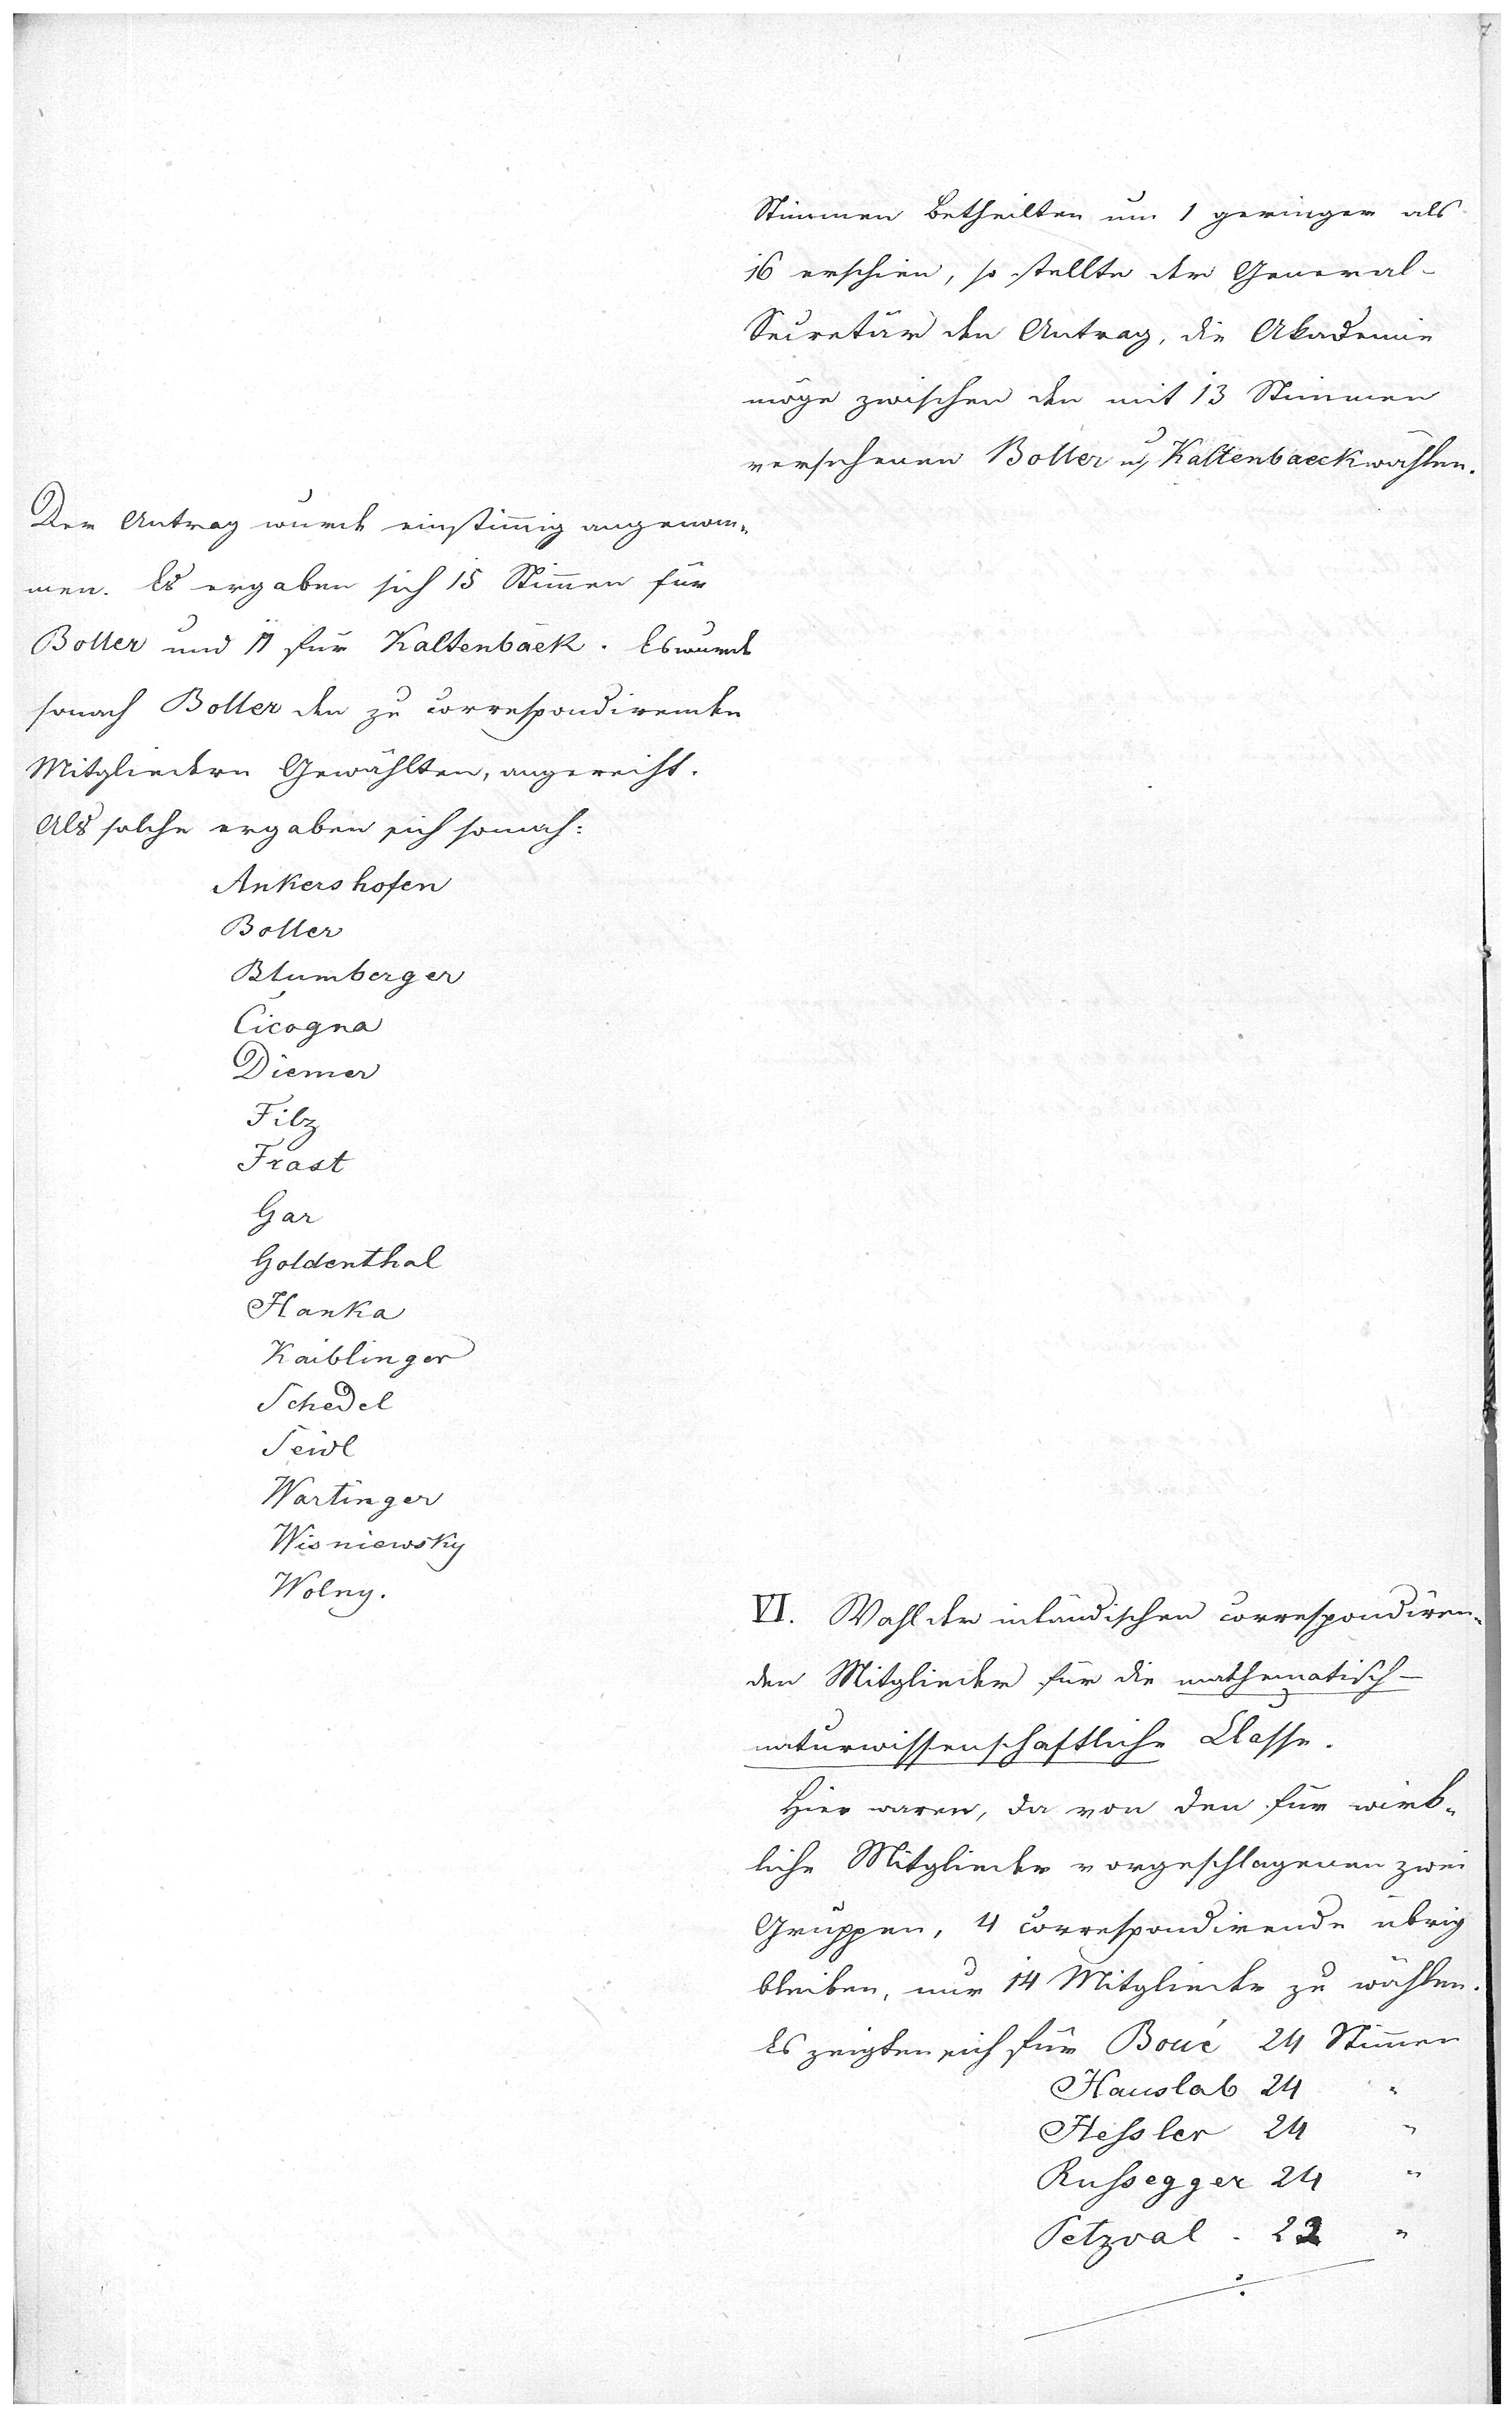Stimmen Betheilten um 1 geringer als
16 erschien, so stellt der General-
Secretär den Antrag, die Akademie
möge zwischen den mit 13 Stimmen
versehenen Boller und Kaltenbaeck wählen.
Der Antrag wurde einstimmig angenom-
men. Es ergaben sich 15 Stimmen für
Boller und 11 für Kaltenbaek. Es wurde
sonach Boller den zu conrrespondirenden
Mitgliedern Gewählten, angereiht.
Als solche ergaben sich sonach:
Ankershofen
Boller
Blumberger
Cicogna
Diemer
filz
Frost
Gar
Goldenthal
Hanka
Kaiblinger
Schedel
Seidl
Wartinger
Wisniewsky
Wolny.
VI. Wahl der inländischen correspondiren-
den Mitglieder für die mathematisch-
naturwissenschaftliche Classe.
Hier waren, da von den für wirk-
lichen Mitglieder vorgeschlagenen zwei
Gruppen, 4 correspondirende übrig
bleiben, nur 14 Mitglieder zu wählen.
Es zeigten sich für Boué 24 Stimmen.
Hauslab 24 "
Hessler 24 "
Russegger 24 "
Petzval . 22 "